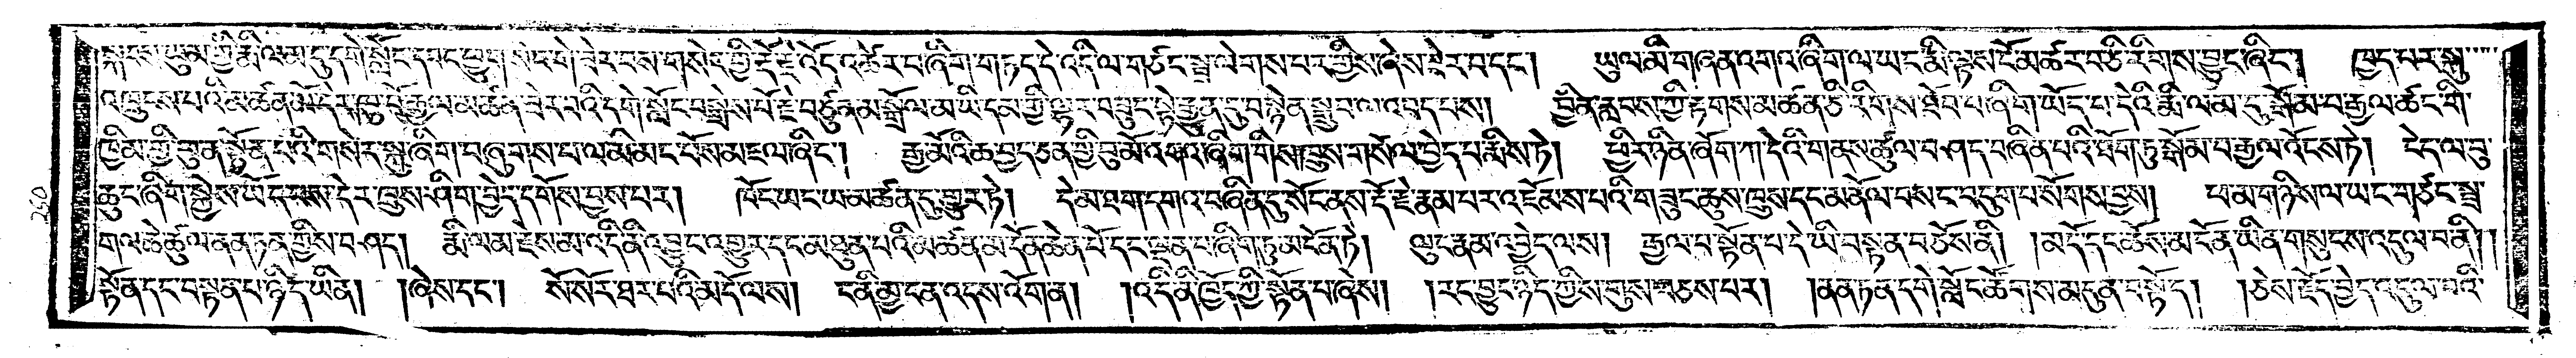སྐབས་ཡུམ་གྱི་རྨི་ལམ་དུ་དགེ་སློང་དབང་ཕྱུག་སེངྒེ་ཟེར་བས་གསེར་གྱི་རྡོ་རྗེ་འོད་འཚེར་བ་ཞིག་གཏད་དེ་འདི་ལ་གཙང་སྤྲ་ལེགས་པར་གྱིས་ཞེས་ཟེར་བ་དང་། ཡུལ་མི་གཞན་འགའ་ཞིག་ལ་ཡང་རྨི་ལྟས་ངོ་མཚར་བ་ཅི་རིགས་བྱུང་ཞིང་། ཁྱད་པར་སྐུ་
འཁྲུངས་པའི་མཚན་མོ་དེར་ཁུ་བོ་རྒྱལ་མཚན་ཟེར་བའི་དགེ་སློང་བ་སྒྲེས་པོ་རྗེ་བཙུན་མ་སྒྲོལ་མ་ཡི་དམ་གྱི་ལྷར་བཟུང་སྟེ་རྒྱུན་དུ་བསྙེན་སྒྲུབ་ལ་འབད་པས། བྱིན་རླབས་ཀྱི་རྟགས་མཚན་ཅི་རིགས་ཐོབ་པ་ཞིག་ཡོད་པ་དེའི་རྨི་ལམ་དུ་སྒོམ་བརྒྱལ་ཚང་གི་
ཁྱིམ་གྱི་ཕུན་སྟོན་པའི་གསེར་སྐུ་ཞིག་བཞུགས་པ་ལ་མི་མང་པོས་མཇལ་ཞིང་། རྒྱ་མོའི་ཆ་བྱད་ཅན་གྱི་བུ་མོ་འགའ་ཞིག་གིས་ཁྲུས་གསོལ་བྱེད་པ་རྨིས་ཏེ། ཕྱིར་ཉིན་ཞོག་ཀ་དེའི་གནས་ཚུལ་བཤད་བཞིན་པའི་ཐོག་ཏུ་སྒོམ་བ་རྒྱལ་འོངས་ཏེ། ངེད་ལ་བུ་
ཆུང་ཞིག་སྐྱེས་ཡོད་པས་དེར་ཁྲུས་ཤིག་བྱེད་དགོས་བྱས་པར། ཁོང་ཡང་ཡ་མཚན་དུ་གྱུར་ཏེ། དེ་མ་ཐག་དགའ་བཞིན་དུ་སོང་ནས་རྡོ་རྗེ་རྣམ་པར་འཇོམས་པའི་གཟུང་ཆུས་ཁྲུས་དང་མནོལ་བསང་བདུག་པ་སོགས་བྱས། ཕ་མ་གཉིས་ལ་ཡང་གཙང་སྦྲ་
གལ་ཆེ་ཚུལ་ནན་ཏན་གྱིས་བཤད། རྨི་ལམ་རྗེས་མ་འདི་ནི་འབྱུང་འགྱུར་དང་མཐུན་པའི་མཚན་མ་དོན་ཆེན་པོ་དང་ལྡན་པ་ཞིག་ཏུ་མངོན་ཏེ། ལུང་རྣམ་འབྱེད་ལས། རྒྱལ་བ་སྟོན་པ་དེ་ཡི་བསྟན་བཅོས་ནི། །མདོ་དང་ཆོས་མངོན་ཡིན་གསུངས་འདུལ་བ་ནི། །
སྟོན་དང་བསྟན་པ་ཉིད་ཡིན། །ཞེས་དང་། སོ་སོར་ཐར་པའི་མདོ་ལས། ང་ནི་མྱ་ངན་འདས་འོག་ན། །འདི་ནི་ཁྱོད་ཀྱི་སྟོན་པ་ཞེས། །རང་བྱུང་ཉིད་ཀྱིས་གུས་བཅད་པར། །ནན་ཏན་དགེ་སློང་ཚོགས་མདུན་བསྟོད། །ཅེས་རྗོད་བྱེད་འདུལ་བའི་